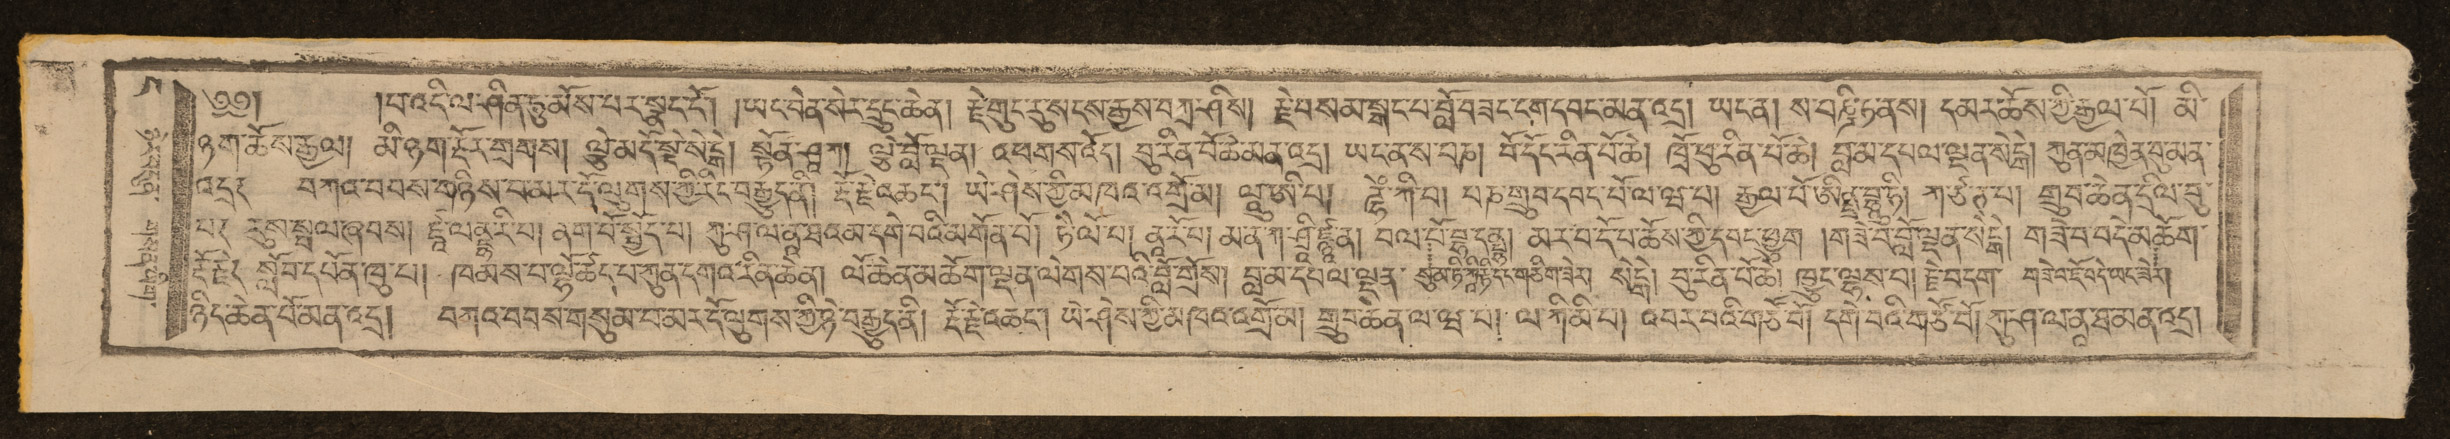༄༅། །པ་འདི་ལ་ཤིན་ཏུ་མོས་པར་སྣང་ངོ། །ཡང་བེན་སེར་དྲུང་ཆེན། རྗེ་གུང་རུ་སངས་རྒྱས་བཀྲ་ཤིས། རྗེ་བསམ་སྒང་བ་བློ་བཟང་ངག་དབང་མན་འདྲ། ཡང་ན། ས་བཎྜཏ་ནས། དམར་ཆོས་ཀྱི་རྒྱལ་པོ། མི་
ཉག་ཆོས་རྒྱལ། མི་ཉག་རྡོར་གྲགས། ལྕེ་མདོ་སྡེ་སེངྒེ། སྟོན་ཤཱཀ། ལྕེ་བློ་ལྡན། འཕགས་འོད། བུ་རིན་པོ་ཆེ་མན་འདྲ། ཡང་ན་ས་པཎ། པོ་དོང་རིན་པོ་ཆེ། ཁྲོ་ཕུ་རིན་པོ་ཆེ། བླ་མ་དཔལ་ལྡན་སེངྒེ། ཀུན་མཁྱེན་བུ་མན་
འདྲ༑ བཀའ་བབས་གཉིས་པ་མར་དོ་ལུགས་ཀྱི་རིང་བརྒྱུད་ནི། རྡོ་རྗེ་འཆང་། ཡེ་ཤེས་ཀྱི་མཁའ་འགྲོ་མ། ལཱུ་ཨི་བ། ཌྷེཾ་ཀི་པ། པཎ་གྲུབ་དབང་པོ་ལ་ཝ་པ། རྒྱལ་པོ་ཨིནྡྲ་བྷཱུ་ཧི། ཀ་ཙ་ཊ་པ། གྲུབ་ཆེན་དྲིལ་བུ་
པ༑ རུས་སྦལ་ཞབས། ཛཱ་ལནྡྷ་རི་པ། ནག་པོ་སྤྱོད་པ། ཀུ་ཤ་ལ་ནཱ་ཐའམ་དགེ་བའི་མགོན་པོ། ཏཻ་ལོ་བ། ནཱ་རོ་པ། མ་ན་ཀ་ཤྲཱི་ཛྙཱ་ན། བལ་པོ་བྷ་དནྡྷ། མར་བ་དོ་པ་ཆོས་ཀྱི་དབང་ཕྱུག །གཟེ་བ་བློ་ལྡན་སེངྒེ། གཟེ་བ་བདེ་མཆོག་
རྡོ་རྗེ༑ སློབ་དཔོན་ཁུ་པ། ཁམས་པ་ལྷོ་ཚད་པ་ཀུན་དགའ་རིན་ཆེན། ལོ་ཆེན་མཆོག་ལྡན་ལེགས་པའི་བློ་གྲོས། བླ་མ་དཔལ་ལྡན་སུ་མ་ཏི་ཀཱིརྟི་དང་གཅིག་ཟེར། སེངྒེ། བུ་རིན་པོ་ཆེ། ཁྱུང་ལྷས་བ། རྗེ་བདག་གཟི་བྗོ་བདེ་ཡང་ཟེར།
ཉིད་ཆེན་པོ་མན་འདྲ། བཀའ་བབས་གསུམ་པ་མར་དོ་ལུགས་ཀྱི་ཉེ་བརྒྱུད་ནི། རྡོ་རྗེ་འཆང་། ཡེ་ཤེས་ཀྱི་མཁའ་འགྲོ་མ། གྲུབ་ཆེན་ལཝ་པ། ལ་ཀི་མི་བ། འབར་བའི་གཙོ་བོ། དགེ་བའི་གཙོ་བོ། ཀུ་ཤ་ལ་ནཱ་ཐ་མན་འདྲ།